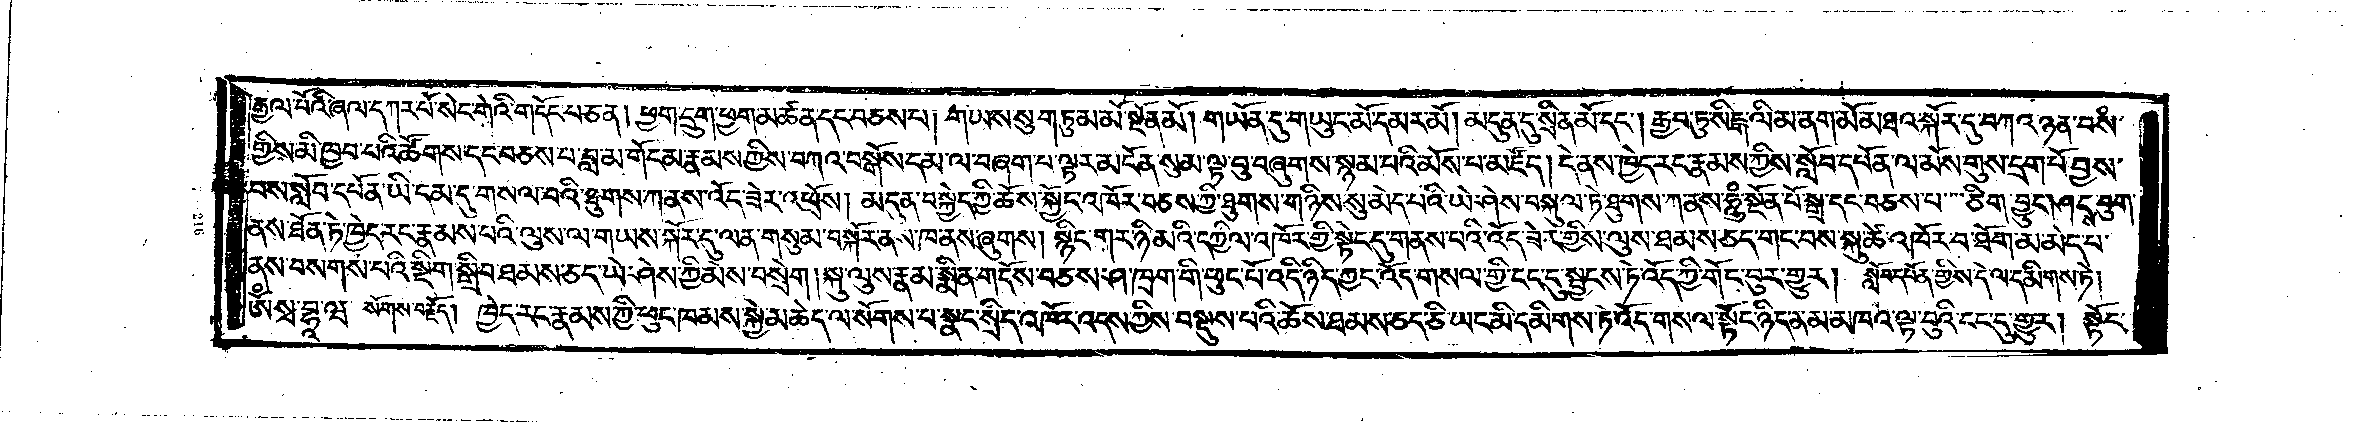རྒྱལ་པོའི་ཞལ་དཀར་པོ་སེངྒེའི་གདོང་པ་ཅན། ཕྱག་དྲུག་ཕྱག་མཚན་དང་བཅས་པ། གཡས་སུ་གཏུམ་མོ་སྔོན་མོ། གཡོན་དུ་གཡུང་མོ་དམར་མོ། མདུན་དུ་སྲིན་མོ་དང་། རྒྱབ་ཏུ་སིངྒ་ལི་མ་ནག་མོ་མཐའ་སྐོར་དུ་བཀའ་ཉན་བསཾ་
གྱིས་མི་ཁྱབ་པའི་ཚོགས་དང་བཅས་པ་བླ་མ་གོང་མ་རྣམས་ཀྱིས་བཀའ་བསྒོས་དམ་ལ་བཞག་པ་ལྟར་མངོན་སུམ་ལྟ་བུ་བཞུགས་སྙམ་པའི་མོས་པ་མཛོད། དེ་ནས་ཁྱེད་རང་རྣམས་ཀྱིས་སློབ་དཔོན་ལ་མོས་གུས་དྲག་པོ་བྱས་
པས་སློབ་དཔོན་ཡི་དམ་དུ་གསལ་བའི་ཐུགས་ཀ་ནས་འོད་ཟེར་འཕྲོས། མདུན་བསྐྱེད་ཀྱི་ཆོས་སྐྱོང་འཁོར་བཅས་ཀྱི་ཐུགས་གཉིས་སུ་མེད་པའི་ཡེ་ཤེས་བསྐུལ་ཏེ་ཐུགས་ཀ་ནས་ཧཱུཾ་སྔོན་པོ་སྒྲ་དང་བཅས་པ་ཅིག་བྱུང་། ཤངས་བུག་
ནས་ཐོན་ཏེ་ཁྱེད་རང་རྣམས་པའི་ལུས་ལ་གཡས་སྐོར་དུ་ལན་གསུམ་བསྐོར་ནས་ཁ་ནས་ཞུགས། སྙིང་གར་ཉི་མའི་དཀྱིལ་འཁོར་གྱི་སྟེང་དུ་གནས་པའི་འོད་ཟེར་གྱིས་ལུས་ཐམས་ཅད་གང་པས་སྐུ་ཚེ་འཁོར་པ་ཐོག་མ་མེད་པ་
ནས་བསགས་པའི་སྡིག་སྒྲིབ་ཐམས་ཅད་ཡེ་ཤེས་ཀྱི་མེས་བསྲེག །སྐུ་ལུས་རྣམ་སྨིན་གདོས་བཅས་ཤ་ཁྲག་གི་ཕུང་པོ་འདི་ཉིད་ཀྱང་འོད་གསལ་གྱི་ངང་དུ་སྦྱངས་ཏེ་འོད་ཀྱི་གོང་བུར་གྱུར། སློབ་དཔོན་གྱིས་དེ་ལ་དམིགས་ཏེ།
ཨོཾ་སྭ་བྷཱ་ཝ་སོགས་བརྗོད།  ཁྱེད་རང་རྣམས་ཀྱི་ཕུང་ཁམས་སྐྱེ་མཆེད་ལ་སོགས་པ་སྣང་སྲིད་འཁོར་འདས་ཀྱིས་བསྡུས་པའི་ཆོས་ཐམས་ཅད་ཅི་ཡང་མི་དམིགས་ཏེ་འོད་གསལ་སྟོང་ཉིད་ནམ་མཁའ་ལྟ་བུའི་ངང་དུ་གྱུར། སྟོང་